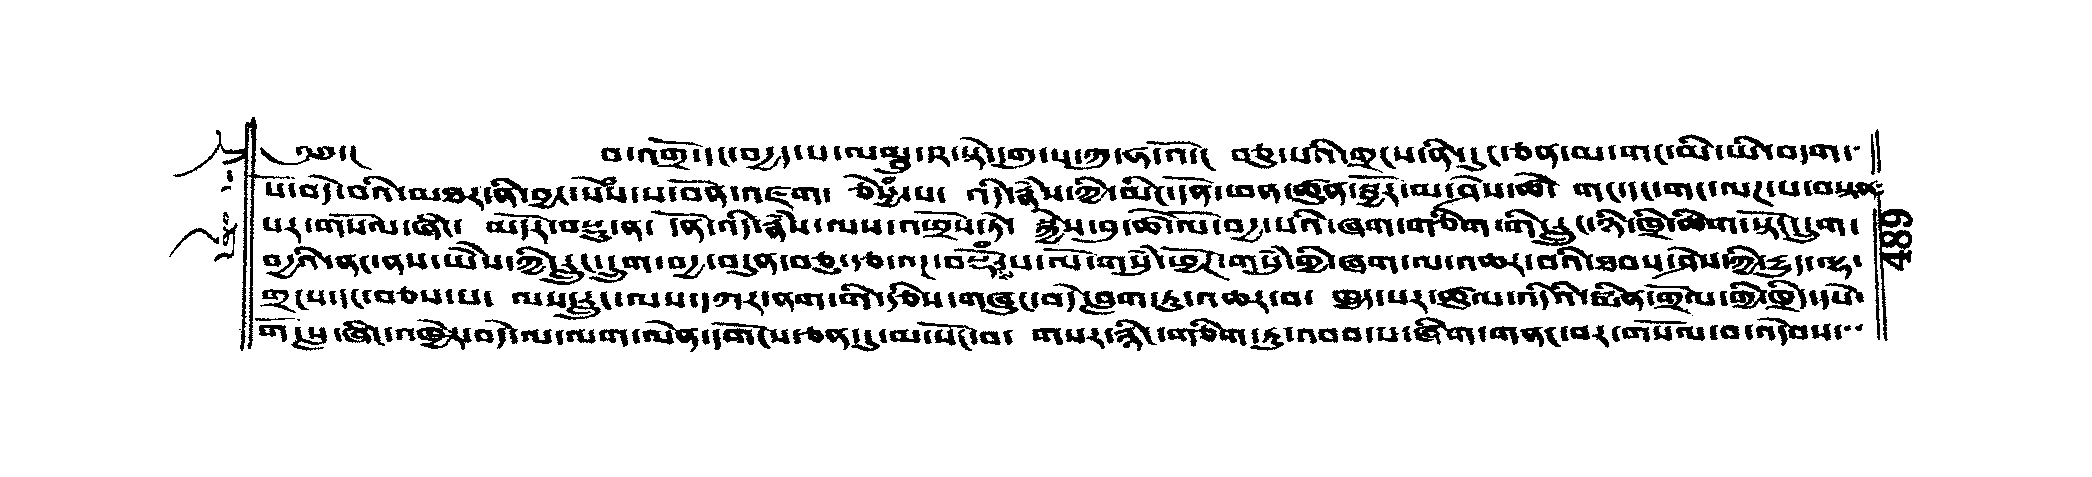བ་འགྲོ་དང་བརྒྱད་པ་ལམྦུ་ར་སྟེ་དགུ་པ་ཀུ་ཧའོ།། བཅུ་པའི་གྲངས་ནི་དུང་ཅན་མ་གང་མི་ཡི་བདག་
པོ་བདེ་བའི་མཐར་ནི་བྱང་སེམས་ས་བོན་འཛག ཅེས་གསུངས་པ། འདི་རྣམས་ཀྱི་མིང་དོན་ཕན་ཚུན་སྦྱོར་མ་ཤེས་ཚེ། གང་དང་གང་ལགས་པ་བསྟན་
པར་གསོལ་ཞིང་། མདོར་བསྡུ་ན། དོན་འདི་རྣམས་ལས་འཕྲོས་ཏེ། སྐྱེས་བུ་ཚེ་ལོ་བརྒྱ་པའི་ཞག་གཅིག་གི་རླུང་ཉི་ཁྲི་ཆིག་སྟོང་དྲུག་
བརྒྱའི་ནང་ནས་ཡེ་ཤེས་ཀྱི་རླུང་དྲུག་བརྒྱ་བདུན་བཅུ་རྩ་ལྔ་བསྡོམས་པ་ལོ་གསུམ་ཕྱོགས་གསུམ་གྱི་ཞག་ལ་འཆར་བའི་ཐབས་ཤེས་ཀྱི་རྒྱུད་ལྷ་
གྲངས་དང་བཅས་པ། ལས་རླུང་ལས་དཀར་ནག་གི་རྩིས་གཞུང་བདེ་བླག་ཏུ་འཆར་བ། ཁྱད་པར་ཚུལ་འདིའི་སྨིན་གྲོལ་གྱི་ཁྲིད་དཔེ་
གོ་སླ་ཞིང་འཁྱེར་བདེ་ལ་ལག་ལེན་དགོངས་ཅན་དུ་མ་སོང་བ། གསར་རྙིང་གཅིག་ཏུ་འབབ་པ་ཞིག་གནང་བར་གསོལ་བ་འདེབས་